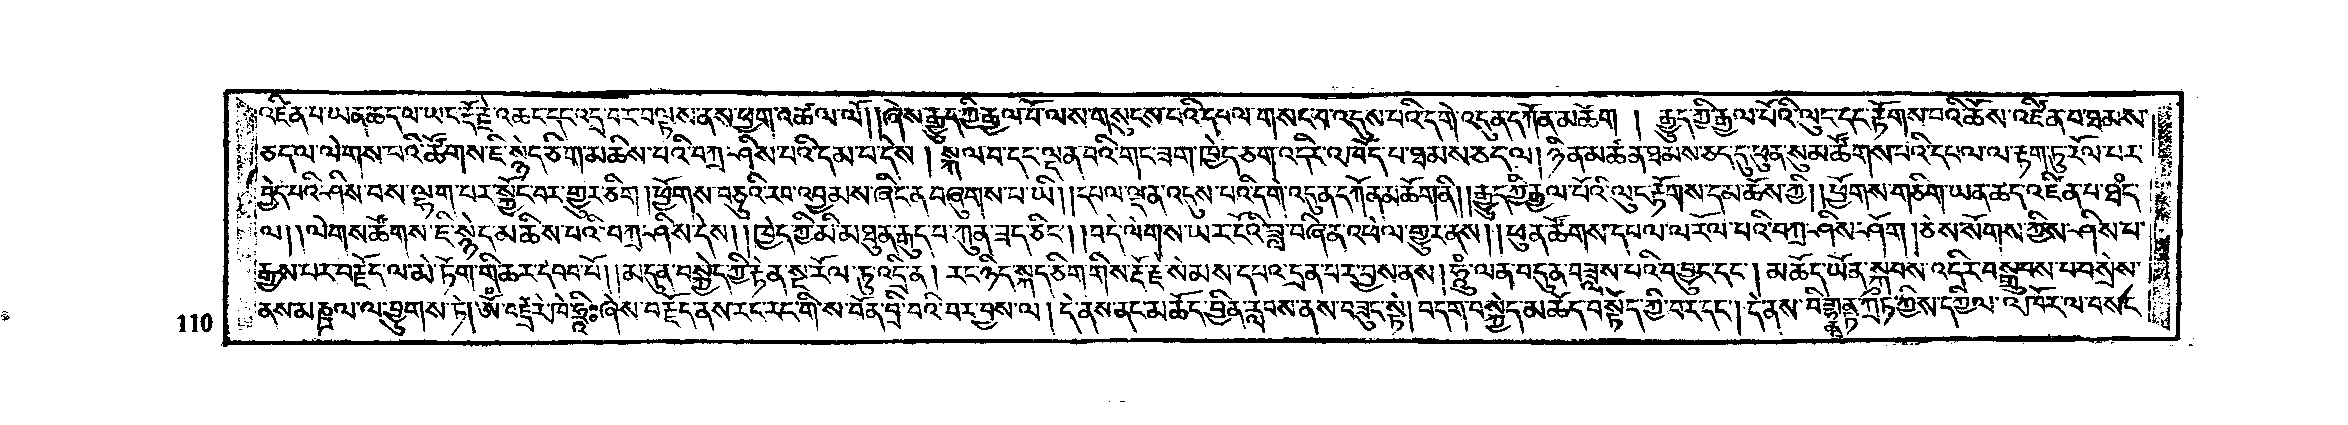འཛིན་པ་ཡན་ཆད་ལ་ཡང་རྡོ་རྗེ་འཆང་དང་འདྲ་བར་བལྟས་ནས་ཕྱག་འཚལ་ལོ། །ཞེས་རྒྱུད་ཀྱི་རྒྱལ་པོ་ལས་གསུངས་པའི་དཔལ་གསང་བ་འདུས་པའི་དགེ་འདུན་དཀོན་མཆོག །རྒྱུད་ཀྱི་རྒྱལ་པོའི་ལུང་དང་རྟོགས་པའི་ཆོས་འཛིན་པ་ཐམས་
ཅད་ལ་ལེགས་པའི་ཚོགས་ཇི་སྙེད་ཅིག་མཆིས་པའི་བཀྲ་ཤིས་པའི་དམ་པ་དེས། སྐལ་བ་དང་ལྡན་པའི་གང་ཟག་ཁྱེད་ཅག་འདིར་འཁོད་པ་ཐམས་ཅད་ལ། ཉིན་མཚན་ཐམས་ཅད་དུ་ཕུན་ཚུམ་ཚོགས་པའི་དཔལ་ལ་རྟག་ཏུ་རོལ་པར་
བྱེད་པའི་ཤིས་བས་ལྷག་པར་སྐྱོང་བར་གྱུར་ཅིག །ཕྱོགས་བཅུའི་རབ་འབྱམས་ཞིང་ན་བཞུགས་པ་ཡི། །དཔལ་ལྡན་འདུས་པའི་དགེ་འདུན་དཀོན་མཆོག་ནི། །རྒྱུད་ཀྱི་རྒྱལ་པོའི་ལུང་རྟོགས་དམ་ཆོས་ཀྱི། །ཕྱོགས་གཅིག་ཡན་ཆད་འཛིན་པ་ཐམས་
ལ། །ལེགས་ཚོགས་ཇི་སྙེད་མཆིས་པའི་བཀྲ་ཤིས་དེས། །ཁྱེད་ཀྱི་མི་མཐུན་རྒུད་པ་ཀུན་ཟད་ཅིང་། །བདེ་ལེགས་ཡར་ངོའི་ཟླ་བཞིན་འཕེལ་གྱུར་ནས། །ཕུན་ཚོགས་དཔལ་ལ་རོལ་པའི་བཀྲ་ཤིས་ཤོག །ཅེས་སོགས་ཀྱིས་ཤིས་པ་
རྒྱས་པར་བརྗོད་ལ་མེ་ཏོག་གི་ཆར་དབབ་བོ། །མདུན་བསྐྱེད་ཀྱི་རྟེན་སྔ་རོལ་ཏུ་འདྲི་ན། རང་ཉིད་སྐད་ཅིག་གིས་རྡོ་རྗེ་སེམས་དཔའ་དྲན་པར་བྱས་ནས། ཧཱུཾ་ལན་བདུན་བཟླས་པའི་བ་བྱུང་དང་། མཆོད་ཡོན་སྐབས་འདིར་བསྒྲུབས་པ་བསྲེས་
ནས་མཎྜལ་ལ་བྱུགས་ཏེ། ཨོཾ་བཛྲ་རེ་ཁེ་ཧྲཱིཿ ཞེས་བརྗོད་ནས་རང་རང་གི་ས་བོན་བྲི་བའི་བར་བྱས་ལ། དེ་ནས་ནང་མཆོད་བྱིན་རླབས་ནས་བཟུང་སྟེ། བདག་བསྐྱེད་མཆོད་བསྟོད་ཀྱི་བར་དང་། དེ་ནས་བིགྷྣཱནྟ་ཀྲྀཏ་ཀྱིས་དཀྱིལ་འཁོར་ལ་བསང་